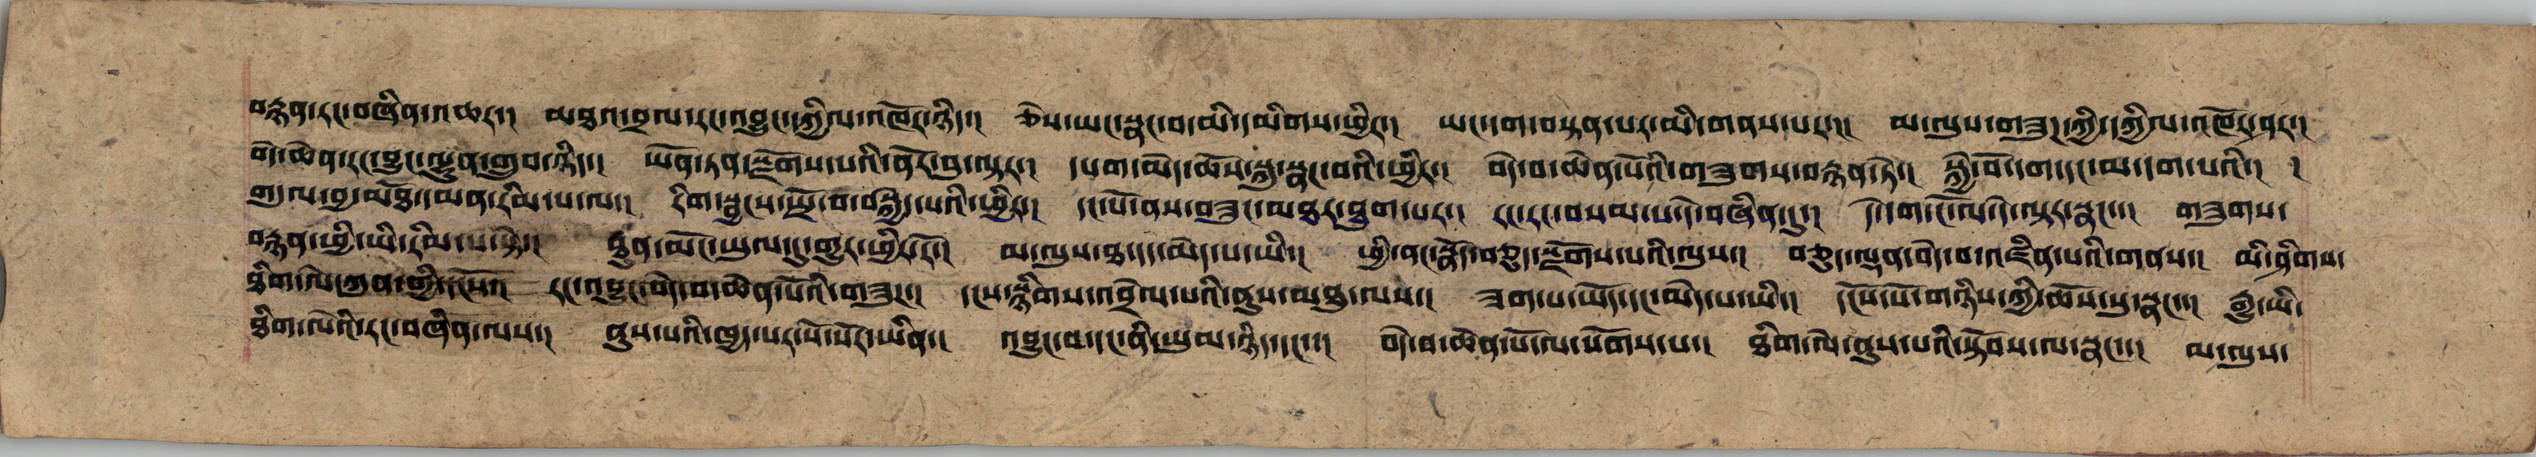བརྙན་རང་བཞིན་འཆར་། མཐའ་བྲལ་རང་འབྱུང་དཀྱིལ་འཁོར་ཉིད་། ཅེས་ཡང་སྣང་བ་མི་དམིགས་ཕྱིར་། ཡང་དག་བསྟན་པར་མི་གནས་པར་། མ་ལུས་གཟུཌ་ཀྱི་དཀྱིལ་འཁོར་ཤར་།
བདེ་ཆེན་རང་བྱུང་ལྷུན་གྲུབ་ཉིད་། ཡོན་ཏན་སྫོགས་པའི་ནོར་བུ་ལྟར་། དཔག་མེད་ཆོས་སྐུ་སྣང་བའི་ཕྱིར་། བདེ་བ་ཆེན་པོའི་གཟུགས་བརྙན་ཏེ་། སྐྱེ་བོ་དག་དང་མ་དག་པའི་།
གདུལ་བྱ་མཐོ་དམན་རིམ་པ་ལ་། རིག་སྦྱངས་སྤྲོ་བ་བསྐྱེད་པའི་ཕྱིར་། དང་པོ་ནས་བཟུང་མཐར་ཐུག་པར་། རང་རང་བསམ་པ་དེ་བཞིན་དུ་། དེ་དག་ངོ་ལ་དེ་ལྟར་སྣང་་། གཟུགས་
བརྙན་ཕྱི་ཡི་རིམ་པ་སྟེ་། ཐུན་མོང་ཡུལ་དུ་གྱུར་ཕྱིར་རོ་། མ་ལུས་ཐ་དད་མེད་པ་ཡི་། ཕྱི་ནང་སྣོད་བཅུད་སྫོགས་པའི་ལུས་། བཅུད་ལྡན་བདེ་བ་འཛིན་པའི་གནས་། མི་ཤིགས་
ཐིག་ལེ་ཀུན་གྱི་དངོས་། རང་འབྱུང་བདེ་བ་ཆེན་པོའི་གཟུཌ་། དངས་སྙིགས་འབྲེལ་པའི་ནུས་མཐུ་ལས་། ཟག་པ་ཡོད་དང་མེད་པ་ཡི་། དངོས་པོ་གཉིས་ཀྱི་ཆོས་སུ་སྣང་་། རྒྱུ་ཡི་
ཐིག་ལེའི་རང་བཞིན་ལས་། ནུས་པའི་ཁྱད་པར་སོ་སོར་ཡིན་། འབྱུང་བ་དང་ནི་ཡུམ་ཉིད་དང་་། བདེ་བ་ཆེན་པོ་ལ་སོགས་པ་། ཐིག་ལེ་ནུས་པའི་སྟོབས་ལ་སྣང་་། མ་ལུས་